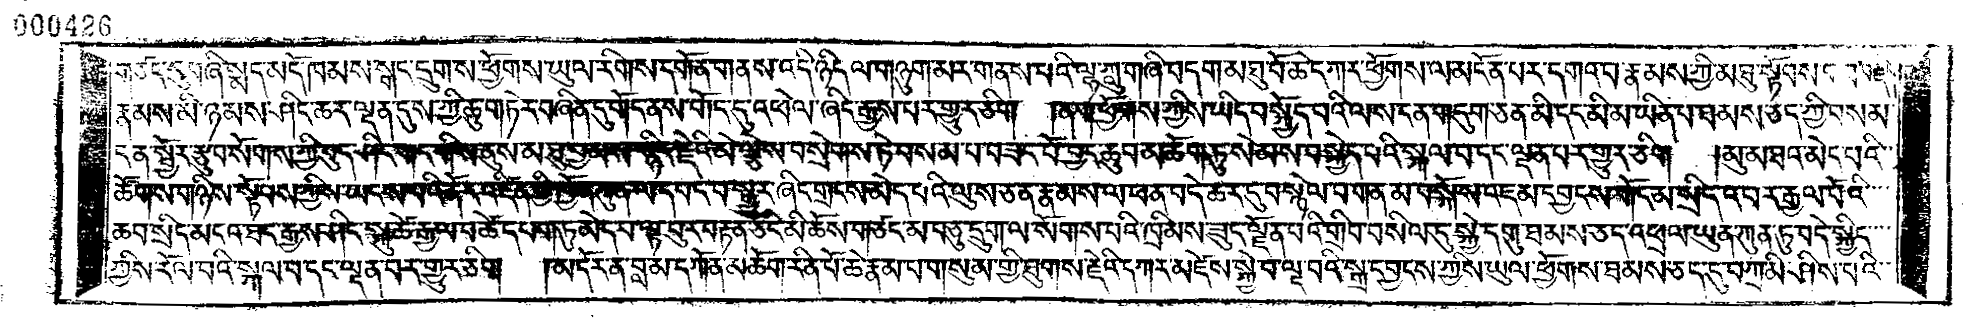གཙང་རུ་བཞི་སྨད་མདོ་ཁམས་སྒང་དྲུག་ས་ཕྱོགས་ཡུལ་རིགས་དགོན་གནས་འདི་ཉིད་ལ་གཉུག་མར་གནས་པའི་ལྷ་ཀླུ་གཞི་བདག་མཐུ་བོ་ཆེ་དཀར་ཕྱོགས་ལ་མངོན་པར་དགའ་བ་རྣམས་ཀྱི་མཐུ་སྟོབས་གཟི་བརྗིད་
རྣམས་མི་ཉམས་ཤིང་ཆར་ལྡན་དུས་ཀྱི་ཆུ་གཏེར་བཞིན་དུ་གོང་ནས་གོང་དུ་འཕེལ་ཞིང་རྒྱས་པར་གྱུར་ཅིག །ནག་ཕྱོགས་ཀྱིས་ཡིད་བསྐྱོད་པའི་ལས་ངན་གདུག་ཅན་མི་དང་མི་མ་ཡིན་པ་ཐམས་ཅད་ཀྱི་བསམ་
ངན་སྦྱོར་རྩུབ་སོགས་ཀྱི་བུད་ཤིང་གང་གིས་ནུས་མཐུ་བྱམས་སྙིང་རྗེའི་མེ་ལྕེས་བསྲེགས་ཏེ་བསམ་པ་བཟང་པོ་བྱང་ཆུབ་མཆོག་ཏུ་སེམས་བསྐྱེད་པའི་སྐལ་བ་དང་ལྡན་པར་གྱུར་ཅིག །མུ་མཐའ་མེད་པའི་
ཚོགས་གཉིས་སྟོབས་ཀྱིས་ཡངས་པའི་ནོར་འཛིན་གྱི་ཁྱོན་ཀུན་ལ་དབང་བསྒྱུར་ཞིང་གྲངས་མེད་པའི་ལུས་ཅན་རྣམས་ལ་ཕན་བདེ་ཆར་དུ་བསྙེལ་བ་གནམ་བསྐོས་འཇམ་དབྱངས་གོང་མ་སྲིད་འབར་རྒྱལ་པོའི་
ཆབ་སྲིད་མངའ་ཐང་རྒྱས་ཤིང་སྐུ་ཚེ་རྒྱལ་བ་ཚེ་དཔག་ཏུ་མེད་པ་ལྟ་བུར་བརྟན་ཅིང་མི་ཆོས་གཙང་མ་བཅུ་དྲུག་ལ་སོགས་པའི་ཁྲིམས་ཟུང་ལྗོན་པའི་གྲིབ་བསིལ་དུ་སྐྱེ་དགུ་ཐམས་ཅད་འཕྲལ་ཡུན་ཀུན་ཏུ་བདེ་སྐྱིད་
ཀྱིས་རོལ་བའི་སྐལ་བ་དང་ལྡན་པར་གྱུར་ཅིག །མདོར་ན་བླ་མ་དཀོན་མཆོག་རིན་པོ་ཆེ་རྣམ་པ་གསུམ་གྱི་ཐུགས་རྗེའི་དཀར་མཛེས་སྐྱེ་བ་ལྔ་བའི་སྒྲ་དབྱངས་ཀྱིས་ཡུལ་ཕྱོགས་ཐམས་ཅད་དུ་བཀྲ་མི་ཤིས་པའི་